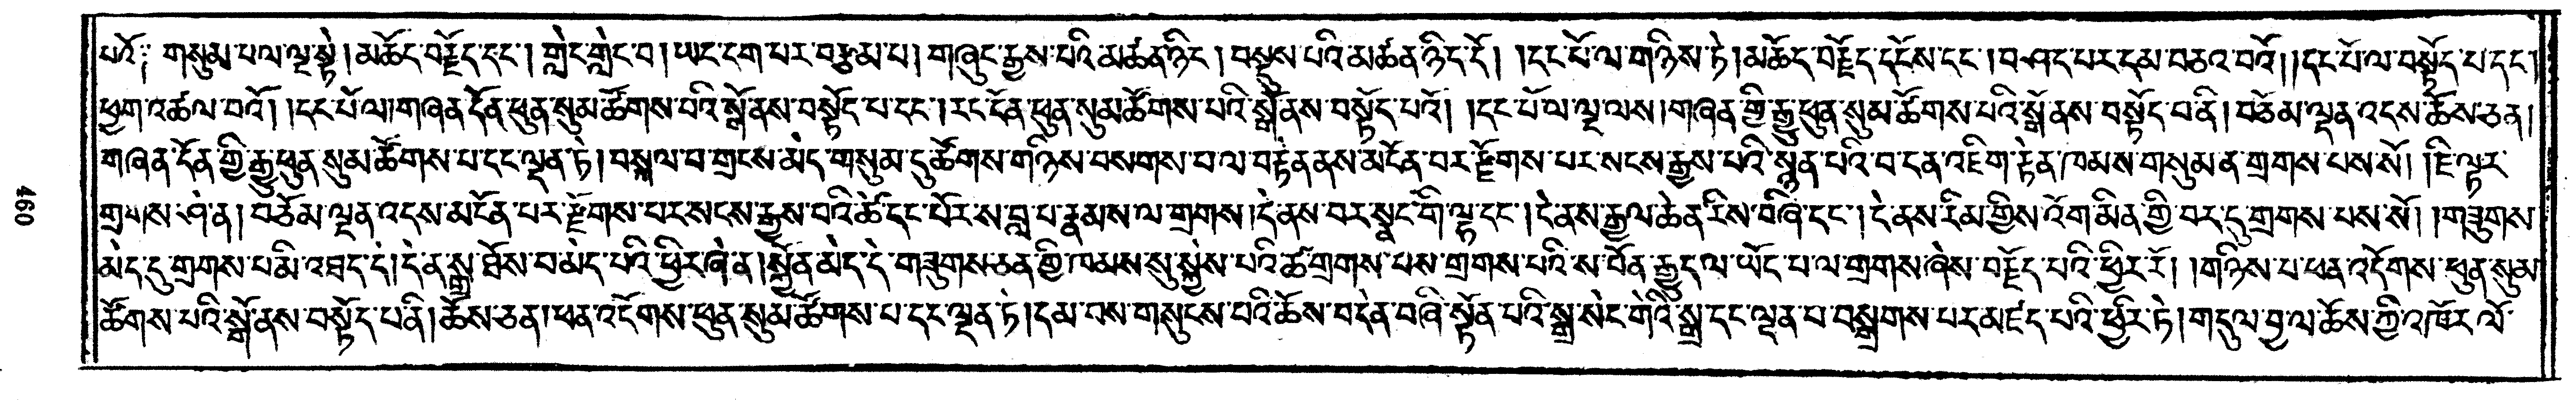པའོ༑ གསུམ་པ་ལ་ལྔ་སྟེ། མཆོད་བརྗོད་དང་། གླེང་གླེང་བ། ཡང་དག་པར་བརྩམ་པ། གཞུང་རྒྱས་པའི་མཚན་ཉིད། བསྡུས་པའི་མཚན་ཉིད་དོ། །དང་པོ་ལ་གཉིས་ཏེ། མཆོད་བརྗོད་དངོས་དང་། བཤད་པར་དམ་བཅའ་བའོ། །དང་པོ་ལ་བསྟོད་པ་དང་།
ཕྱག་འཚལ་བའོ། །དང་པོ་ལ་གཞན་དོན་ཕུན་སུམ་ཚོགས་པའི་སྒོ་ནས་བསྟོད་པ་དང་། རང་དོན་ཕུན་སུམ་ཚོགས་པའི་སྒོ་ནས་བསྟོད་པའོ། །དང་པོ་ལ་ལྔ་ལས། གཞན་གྱི་རྒྱུ་ཕུན་སུམ་ཚོགས་པའི་སྒོ་ནས་བསྟོད་པ་ནི། བཅོམ་ལྡན་འདས་ཆོས་ཅན།
གཞན་དོན་གྱི་རྒྱུ་ཕུན་སུམ་ཚོགས་པ་དང་ལྡན་ཏེ། བསྐལ་བ་གྲངས་མེད་གསུམ་དུ་ཚོགས་གཉིས་བསགས་པ་ལ་བརྟེན་ནས་མངོན་པར་རྫོགས་པར་སངས་རྒྱས་པའི་སྙན་པའི་བ་ངན་འཇིག་རྟེན་ཁམས་གསུམ་ན་གྲགས་པས་སོ། །ཇི་ལྟར་
གྲགས་ཤེ་ན། བཅོམ་ལྡན་འདས་མངོན་པར་རྫོགས་པར་སངས་རྒྱས་པའི་ཚེ་དང་པོར་ས་བླ་བ་རྣམས་ལ་གྲགས། དེ་ནས་བར་སྣང་གི་ལྷ་དང་། དེ་ནས་རྒྱལ་ཆེན་རིག་བཞི་དང་། དེ་ནས་རིམ་གྱིས་འོག་མིན་གྱི་བར་དུ་གྲགས་པས་སོ། །གཟུགས་
མེད་དུ་གྲགས་པ་མི་འཐད་དེ། དེ་ན་སྒྲ་ཐོས་པ་མེད་པའི་ཕྱིར་ཞེ་ན། སྐྱོན་མེད་དེ་གཟུགས་ཅན་གྱི་ཁམས་སུ་སྐྱེས་པའི་ཚ་གྲགས་པས་གྲགས་པའི་ས་བོན་རྒྱུད་ལ་ཡོད་པ་ལ་གྲགས་ཞེས་བརྗོད་པའི་ཕྱིར་རོ། །གཉིས་པ་ཕན་འདོགས་ཕུན་སུམ་
ཚོགས་པའི་སྒོ་ནས་བསྟོད་པ་ནི། ཆོས་ཅན། ཕན་འདོགས་ཕུན་སུམ་ཚོགས་པ་དང་ལྡན་ཏེ། དམ་བས་གསུངས་པའི་ཆོས་བདེན་བཞི་སྟོན་པའི་སྒྲ་སེང་གེའི་སྒྲ་དང་ལྡན་པ་བསྒྲགས་པར་མཛད་པའི་ཕྱིར་ཏེ། གདུལ་བྱ་ལ་ཆོས་ཀྱི་འཁོར་ལོ་